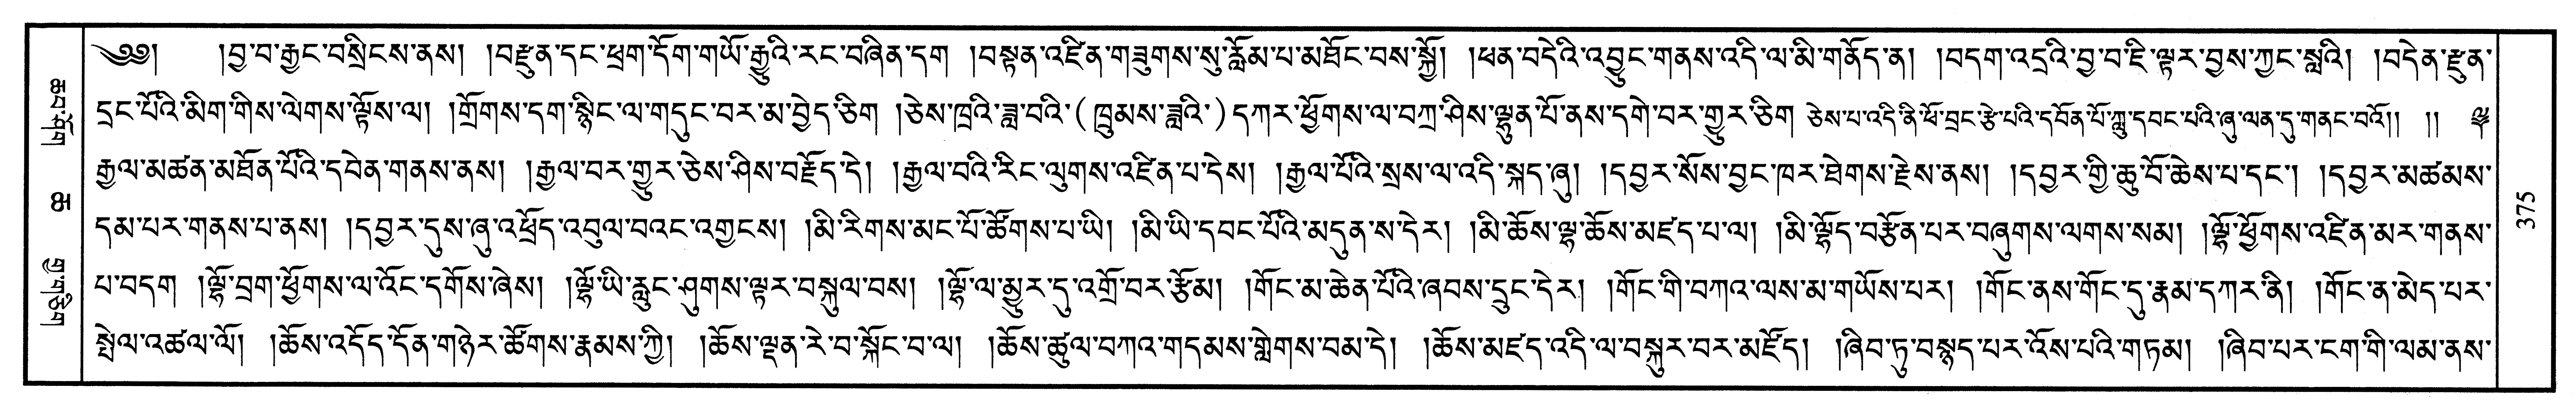༄༅། །བྱ་བ་རྒྱང་བསྲིངས་ནས། །བརྫུན་དང་ཕྲག་དོག་གཡོ་རྒྱུའི་རང་བཞིན་དག །བསྟན་འཛིན་གཟུགས་སུ་རློམ་པ་མཐོང་བས་སྐྱོ། །ཕན་བདེའི་འབྱུང་གནས་འདི་ལ་མི་གནོད་ན། །བདག་འདྲའི་བྱ་བ་ཇི་ལྟར་བྱས་ཀྱང་སླའི། །བདེན་རྫུན་
དྲང་པོའི་མིག་གིས་ལེགས་ལྟོས་ལ། །གྲོགས་དག་སྙིང་ལ་གདུང་བར་མ་བྱེད་ཅིག །ཅེས་ཁྲའི་ཟླ་བའི་ཁྲུམས་ཟླའི་དཀར་ཕྱོགས་ལ་བཀྲ་ཤིས་ལྷུན་པོ་ནས་དགེ་བར་གྱུར་ཅིག་ཅེས་པ་འདི་ནི་ཕོ་བྲང་རྩེ་པའི་དབོན་པོ་ཀླུ་དབང་པའི་ཞུ་ལན་དུ་གནང་བའོ།། །། ༈
རྒྱལ་མཚན་མཐོན་པོའི་དབེན་གནས་ནས། །རྒྱལ་བར་གྱུར་ཅེས་ཤིས་བརྗོད་དེ། །རྒྱལ་བའི་རིང་ལུགས་འཛིན་པ་དེས། །རྒྱལ་པོའི་སྲས་ལ་འདི་སྐད་ཞུ། །དབྱར་སོས་བྱང་ཁར་ཐེགས་རྗེས་ནས། །དབྱར་གྱི་ཆུ་བོ་ཆེས་པ་དང་། །དབྱར་མཚམས་
དམ་པར་གནས་པ་ནས། །དབྱར་དུས་ཞུ་འཕྲོད་འབུལ་བའང་འགྱངས། །མི་རིགས་མང་པོ་ཚོགས་པ་ཡི། །མི་ཡི་དབང་པོའི་མདུན་ས་དེར། །མི་ཆོས་ལྷ་ཆོས་མཛད་པ་ལ། །མི་ལྷོད་བརྩོན་པར་བཞུགས་ལགས་སམ། །ལྷོ་ཕྱོགས་འཛིན་མར་གནས་
པ་བདག །ལྷོ་བྲག་ཕྱོགས་ལ་འོང་དགོས་ཞེས། །ལྷོ་ཡི་རླུང་ཤུགས་ལྟར་བསྐུལ་བས། །ལྷོ་ལ་མྱུར་དུ་འགྲོ་བར་རྩོམ། །གོང་མ་ཆེན་པོའི་ཞབས་དྲུང་དེར། །གོང་གི་བཀའ་ལས་མ་གཡོས་པར། །གོང་ནས་གོང་དུ་རྣམ་དཀར་ནི། །གོང་ན་མེད་པར་
སྤེལ་འཚལ་ལོ། །ཆོས་འདོད་དོན་གཉེར་ཚོགས་རྣམས་ཀྱི། །ཆོས་ལྡན་རེ་བ་སྐོང་བ་ལ། །ཆོས་ཚུལ་བཀའ་གདམས་གླེགས་བམ་དེ། །ཆོས་མཛད་འདི་ལ་བསྐུར་བར་མཛོད། །ཞིབ་ཏུ་བསྙད་པར་འོས་པའི་གཏམ། །ཞིབ་པར་ངག་གི་ལམ་ནས་